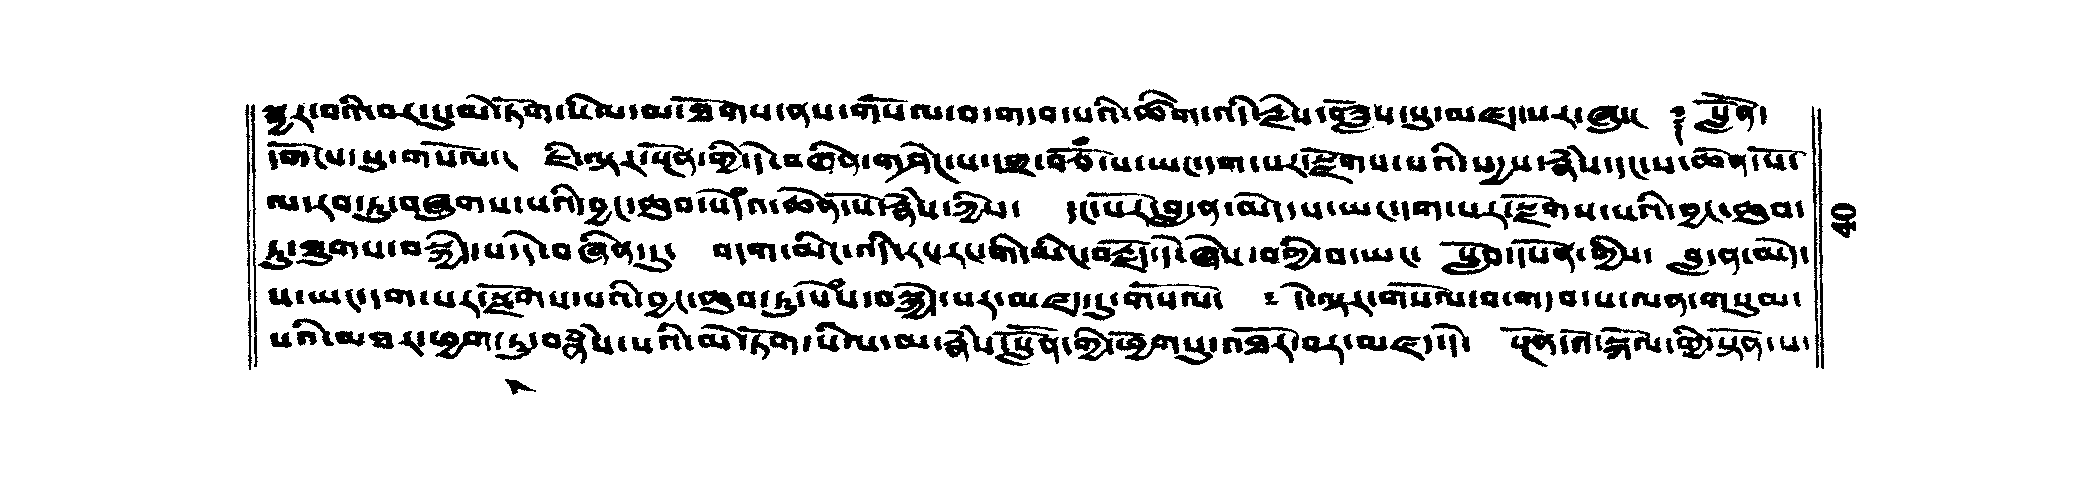སྦྱར་བའི་བར་དུ་མེ་ཏོག་སིམ་མ་ཐོགས་ནས་གསོལ་བ་གདབ་པའི་ཚིག་འདི་རྗེས་བཟློས་སུ་མཛད་པར་ཞུ། ༈ སློབ་དཔོན་
དགོངས་སུ་གསོལ། ཇི་ལྟར་སྔོན་གྱི་དེ་བཞིན་གཤེགས་པ་དགྲ་བཅོམ་པ་ཡང་དག་པར་རྫོགས་པའི་སངས་རྒྱས་རྣམས་དང་ས་ཆེན་པོ་
ལ་རབ་ཏུ་བཞུགས་པའི་བྱང་ཆུབ་སེམས་དཔའ་ཆེན་པོ་རྣམས་ཀྱིས། དང་པོར་བླ་ན་མེད་པ་ཡང་དག་པར་རྫོགས་པའི་བྱང་ཆུབ་
ཏུ་ཐུགས་བསྐྱེད་པ་དེ་བཞིན་དུ། བདག་མིང་འདི་རང་རང་གི་མིང་བརྗོད་དེ་ཞེས་བགྱི་བ་ཡང་། སློབ་དཔོན་གྱིས། བླ་ན་མེད་
པ་ཡང་དག་པར་རྫོགས་པའི་བྱང་ཆུབ་སེམས་བསྐྱེད་པར་མཛད་དུ་གསོལ། དེ་ལྟར་གསོལ་བ་གདབ་པ་ལན་གསུམ་
པའི་མཐར་ཕྱག་ཏུ་བསྣམས་པའི་མེ་ཏོག་སིལ་མ་རྣམས་སློབ་དཔོན་གྱི་ཕྱོགས་སུ་འཐོར་བར་མཛད་དོ། སྔོན་འོ་སྐོལ་གྱི་སྟོན་པ་